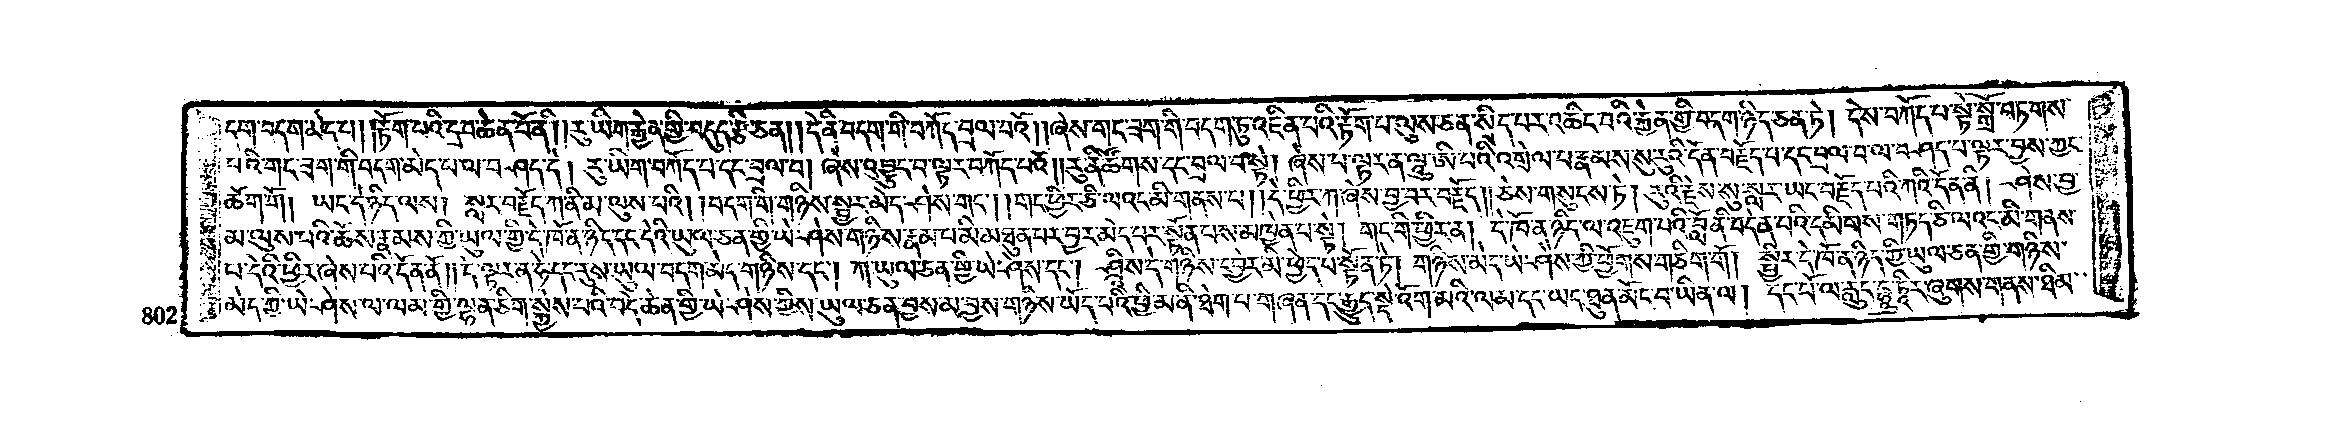དག་བདག་མེད་པ། །རྟོག་པའི་དྲ་བ་ཆེན་པོ་ནི། །རུ་ཡིག་རྐྱེན་གྱི་བདུད་རྩི་ཅན། །དེ་ནི་བདག་གི་བཀོད་བྲལ་བའོ། །ཞེས་གང་ཟག་གི་བདག་ཏུ་འཛིན་པའི་རྟོག་པ་ལུས་ཅན་སྲིད་པར་འཆིང་བའི་རྐྱེན་གྱི་བདག་ཉིད་ཅན་ཏེ། དེས་བཀོད་པ་སྟེ་སྒྲོ་བཏགས་
པའི་གང་ཟག་གི་བདག་མེད་པ་ལ་བཤད་དེ། རུ་ཡིག་བཀོད་པ་དང་བྲལ་བ། ཞེས་འབྱུང་བ་ལྟར་བཀོད་པའོ། །རུ་ནི་ཚོགས་དང་བྲལ་བ་སྟེ། ཞེས་པ་ལྟར་ན་ལཱུ་ཨི་པའི་འགྲེལ་པ་རྣམས་སུ་རུའི་དོན་བརྗོད་པ་དང་བྲལ་བ་ལ་བཤད་པ་ལྟར་བྱས་ཀྱང་
ཆོག་གོ །ཡང་དེ་ཉིད་ལས། སླར་བརྗོད་ཀ་ནི་མ་ལུས་པའི། །བདག་གི་གཉིས་སྦྱར་མེད་ཤེས་གང་། །གང་ཕྱིར་ཅི་ལའང་མི་གནས་པ། །དེ་ཕྱིར་ཀ་ཞེས་བྱ་བར་བརྗོད། །ཅེས་གསུངས་ཏེ། རུའི་རྗེས་སུ་སླར་ཡང་བརྗོད་པའི་དཀའི་དོན་ནི། ཤས་བྱ་
མ་ལུས་པའི་ཆོས་རྣམས་ཀྱི་ཡུལ་གྱི་དེ་ཁོ་ན་ཉིད་དང་དེའི་ཡུལ་ཅན་གྱི་ཡེ་ཤེས་གཉིས་རྣམ་པ་མི་མཐུན་པར་མེད་པར་སྟོན་པས་མཁྱེན་པ་སྟེ། གང་གི་ཕྱིར་ནི། དེ་ཁོ་ན་ཉིད་ལ་འཇུག་པའི་བློ་ནི་བདེན་པའི་དམིགས་གཏད་ཅི་ལའང་མི་གནས་
པ་དེའི་ཕྱིར་ཞེས་པའི་དོན་ནོ། །དེ་ལྟར་ན་ཧེ་དང་རུས་ཡུལ་བདག་མེད་གཉིས་དང་། ཀ་ཡུལ་ཅན་གྱི་ཡེ་ཤེས་དང་། ཤྲཱིས་དེ་གཉིས་དབྱེར་མི་ཕྱེད་པ་སྟོན་ཏེ། གཉིས་མེད་ཡེ་ཤེས་ཀྱི་ཕྱོགས་གཅིག་གོ། སྤྱིར་དེ་ཁོ་ན་ཉིད་ཀྱི་ཡུལ་ཅན་གྱི་གཉིས་
མེད་ཀྱི་ཡེ་ཤེས་ལ་ལམ་གྱི་ལྷན་ཅིག་སྐྱེས་པའི་བདེ་ཆེན་གྱི་ཡེ་ཤེས་ཀྱིས་ཡུལ་ཅན་བྱས་མ་བྱས་གཉིས་ཡོད་པའི་ཕྱི་མ་ནི་ཐེག་པ་གཞན་དང་རྒྱུད་སྡེ་འོག་མའི་ལམ་དང་ཡང་ཐུན་མོང་བ་ཡིན་ལ། དང་པོ་ལ་རླུང་དྷཱུ་ཏཱིར་ཞུགས་གནས་ཐིམ་